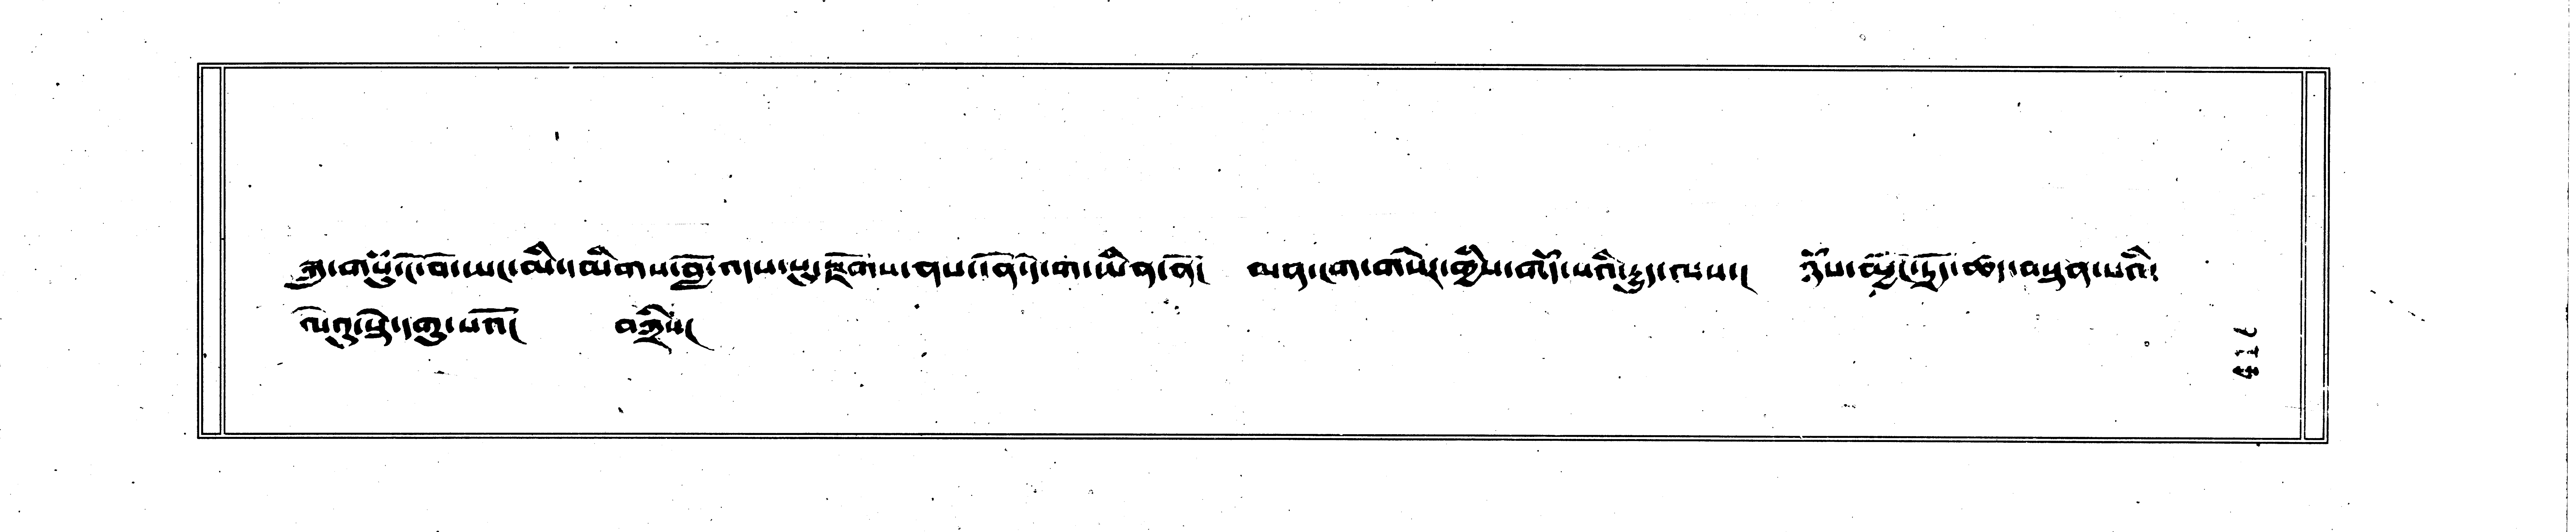སྐུ་གསུམ་ངོའོ་ཡང་མི་དམིགས་བློ་འདས་སུ་རྫོགས་ན་དོན་དེ་ཀ་ཡིན་ནོ། མེན་ངག་རྒྱལ་པོ་གསེར་གྱིས་གདམ་པའི་རྒྱུད་ལས། ཉམས་མྱོང་གིས་དྲོད་ཚད་བསྟན་པའི་
ལེའུ་སྟེ་དགུ་པའོ། །བཀྲ་ཤིས།༼པ༽